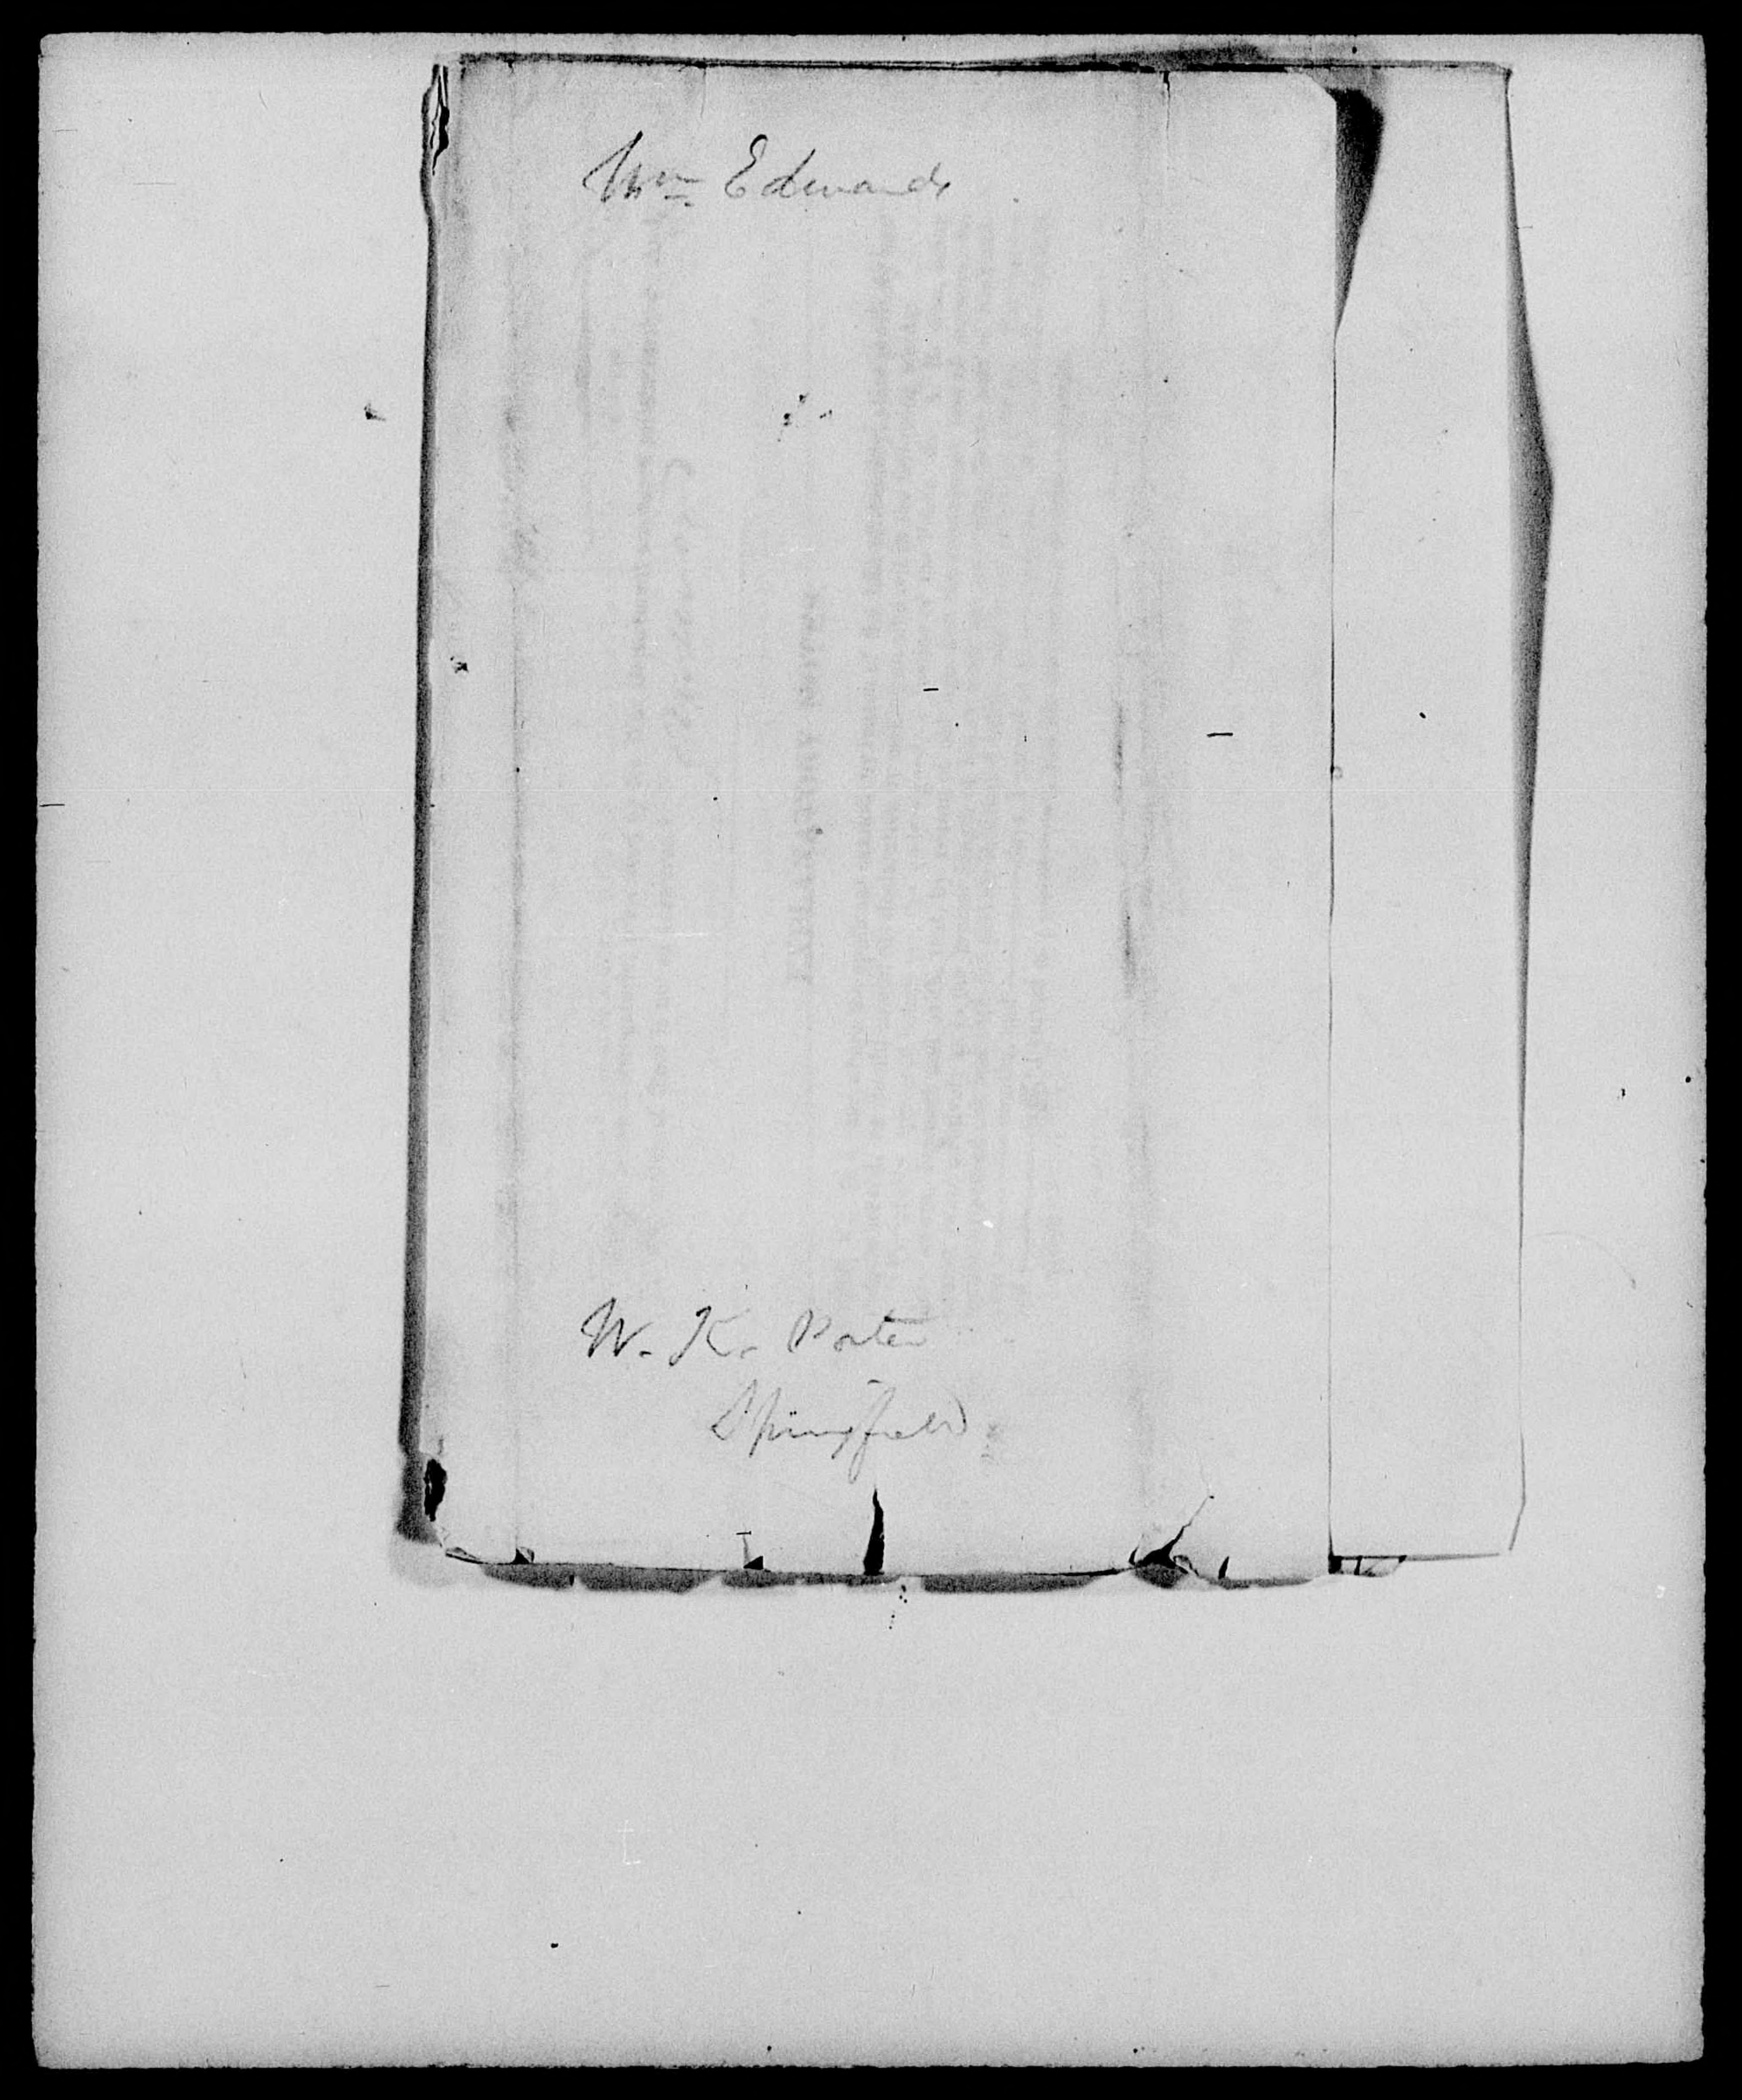Wm. Edwards 

W. K. Porter
Springfield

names: Wm Edwards, W K Porter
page: 14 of 47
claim: survivor's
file: S. 3,322, William Edwards, Va.